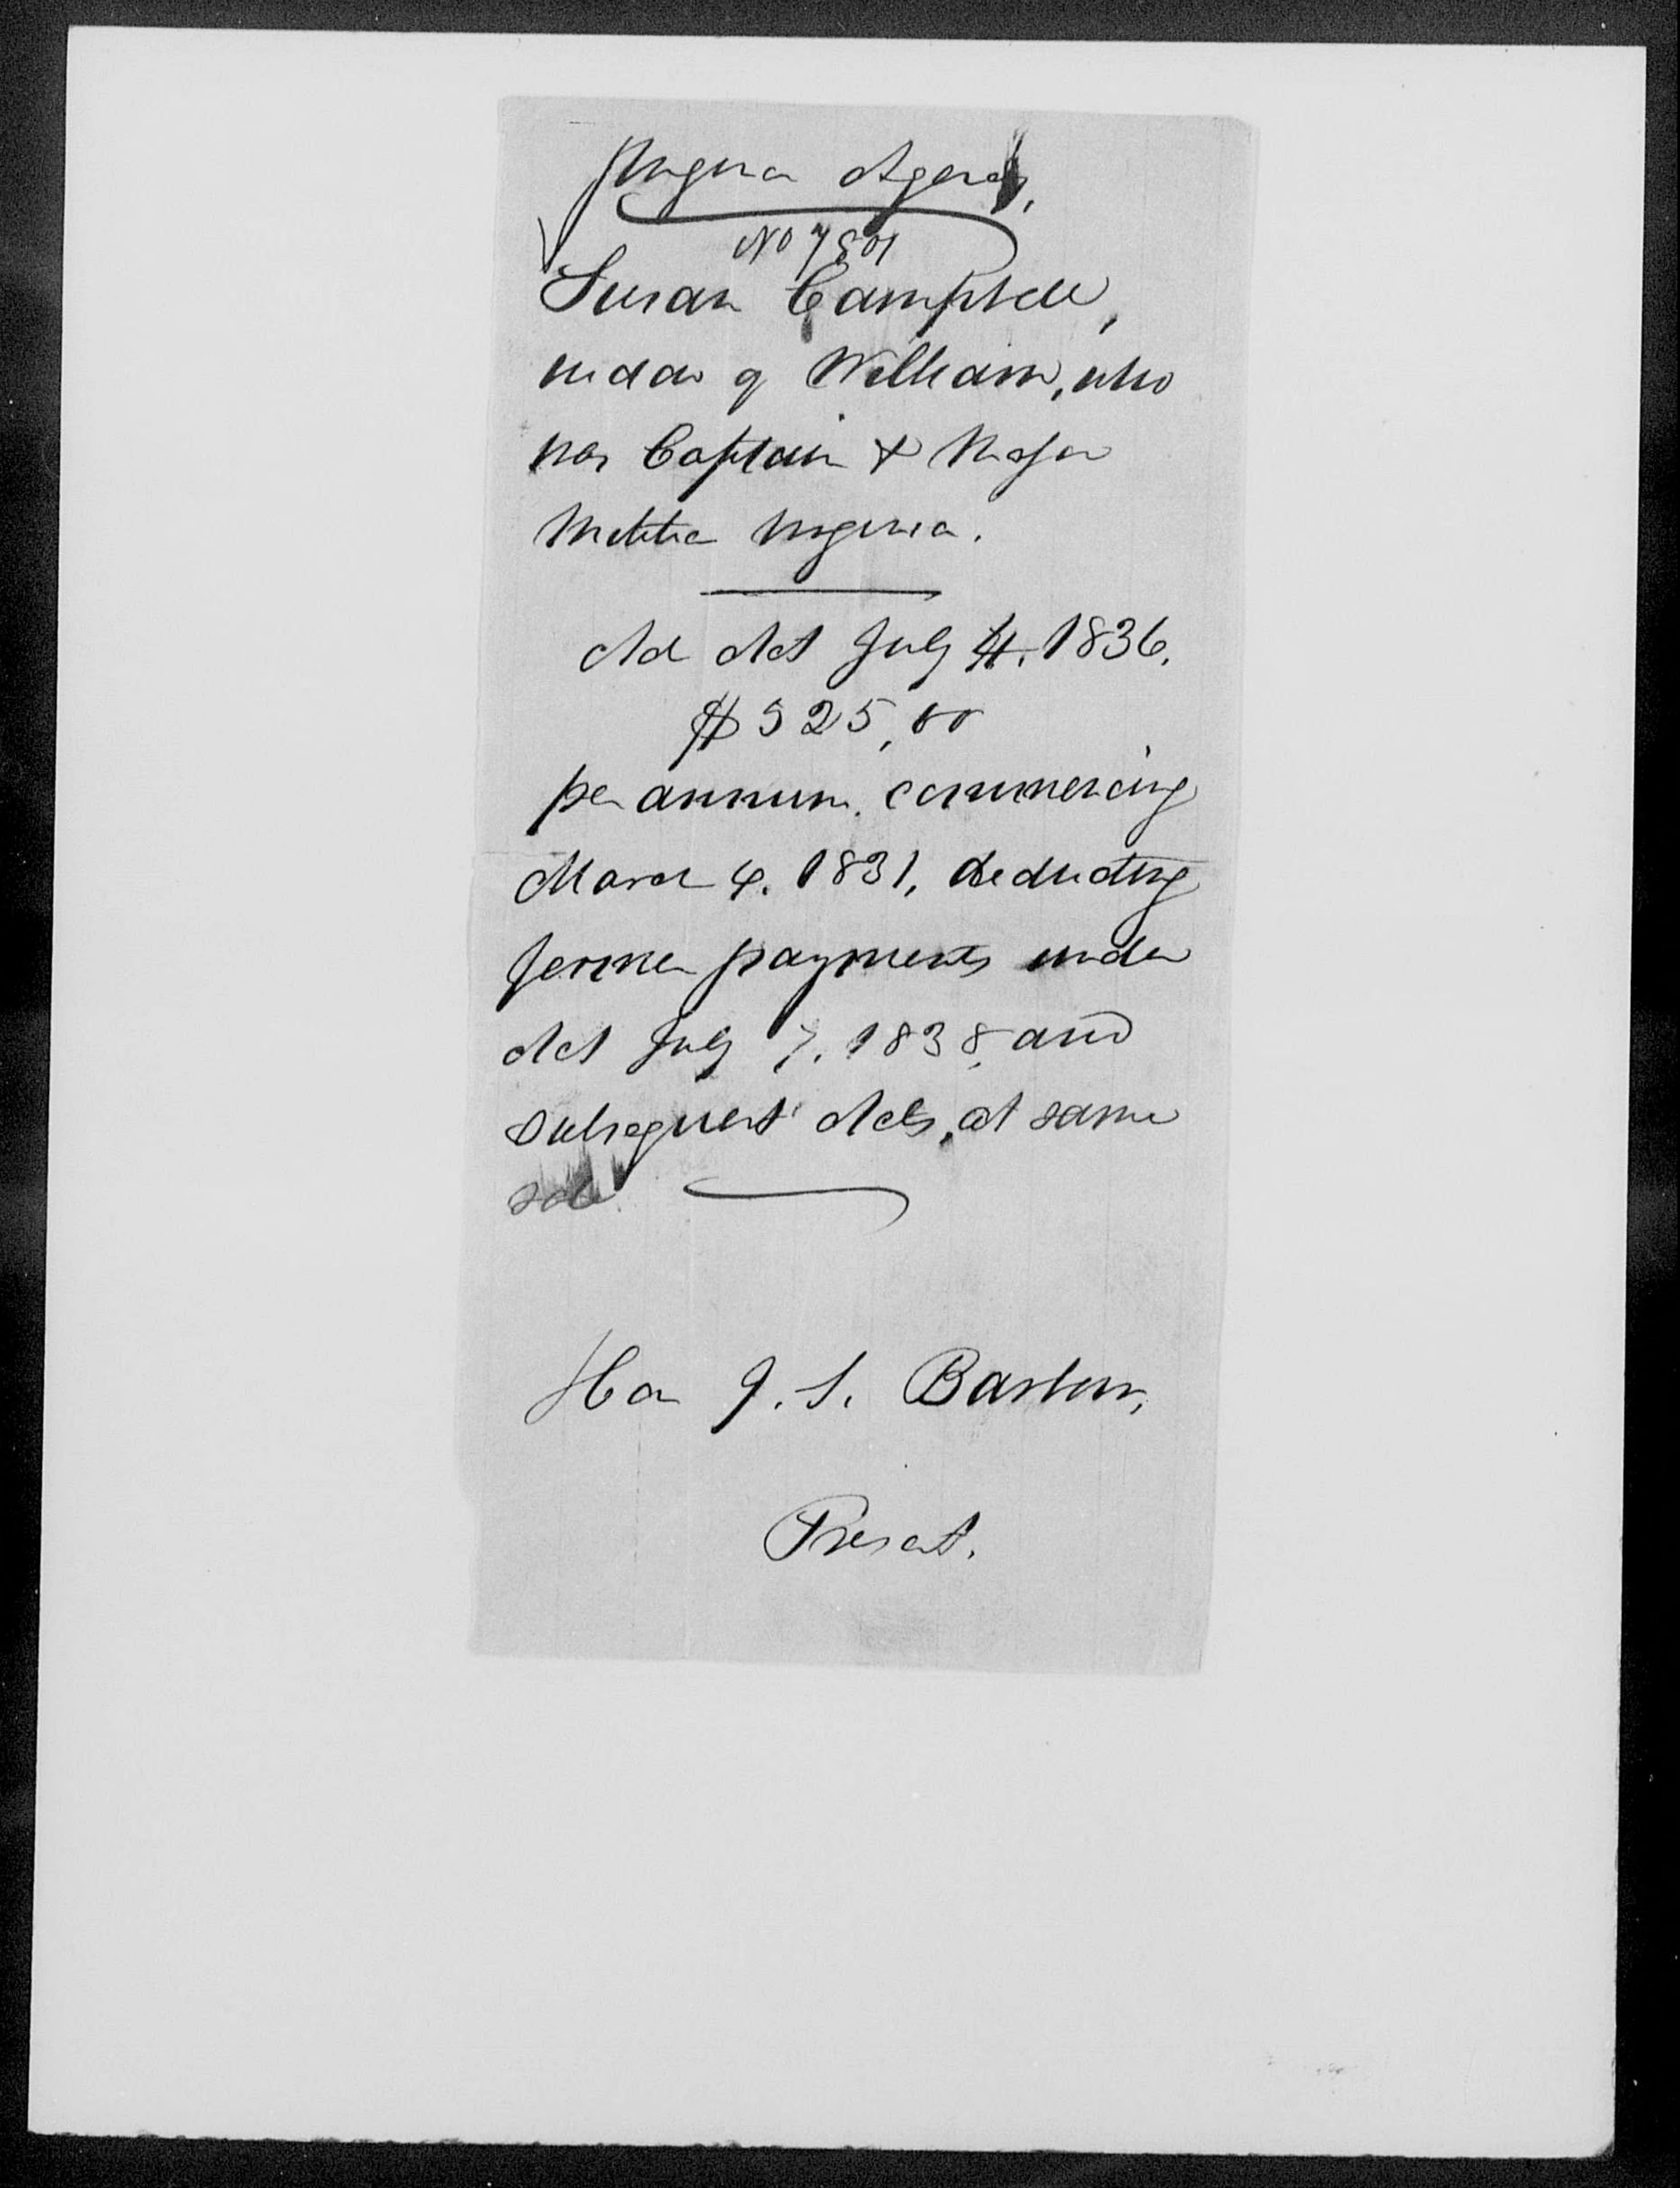Pension Agency

No 7801
Susan Campbell, widow of William, who was Captain +[and] Major Militia Virginia. [last word underlined]

Ad Act July 4, 1836
$525,00 per annum. commencing March 4, 1831, deducting former payments under Act July 7, 1838 and subsequent Acts, at same sub.

Hon J. S. Barbour, 
Present.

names: William Campbell, J S Barbour, Susan Campbell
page: 46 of 267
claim: widow's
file: W. 4,149, William Campbell, Va.